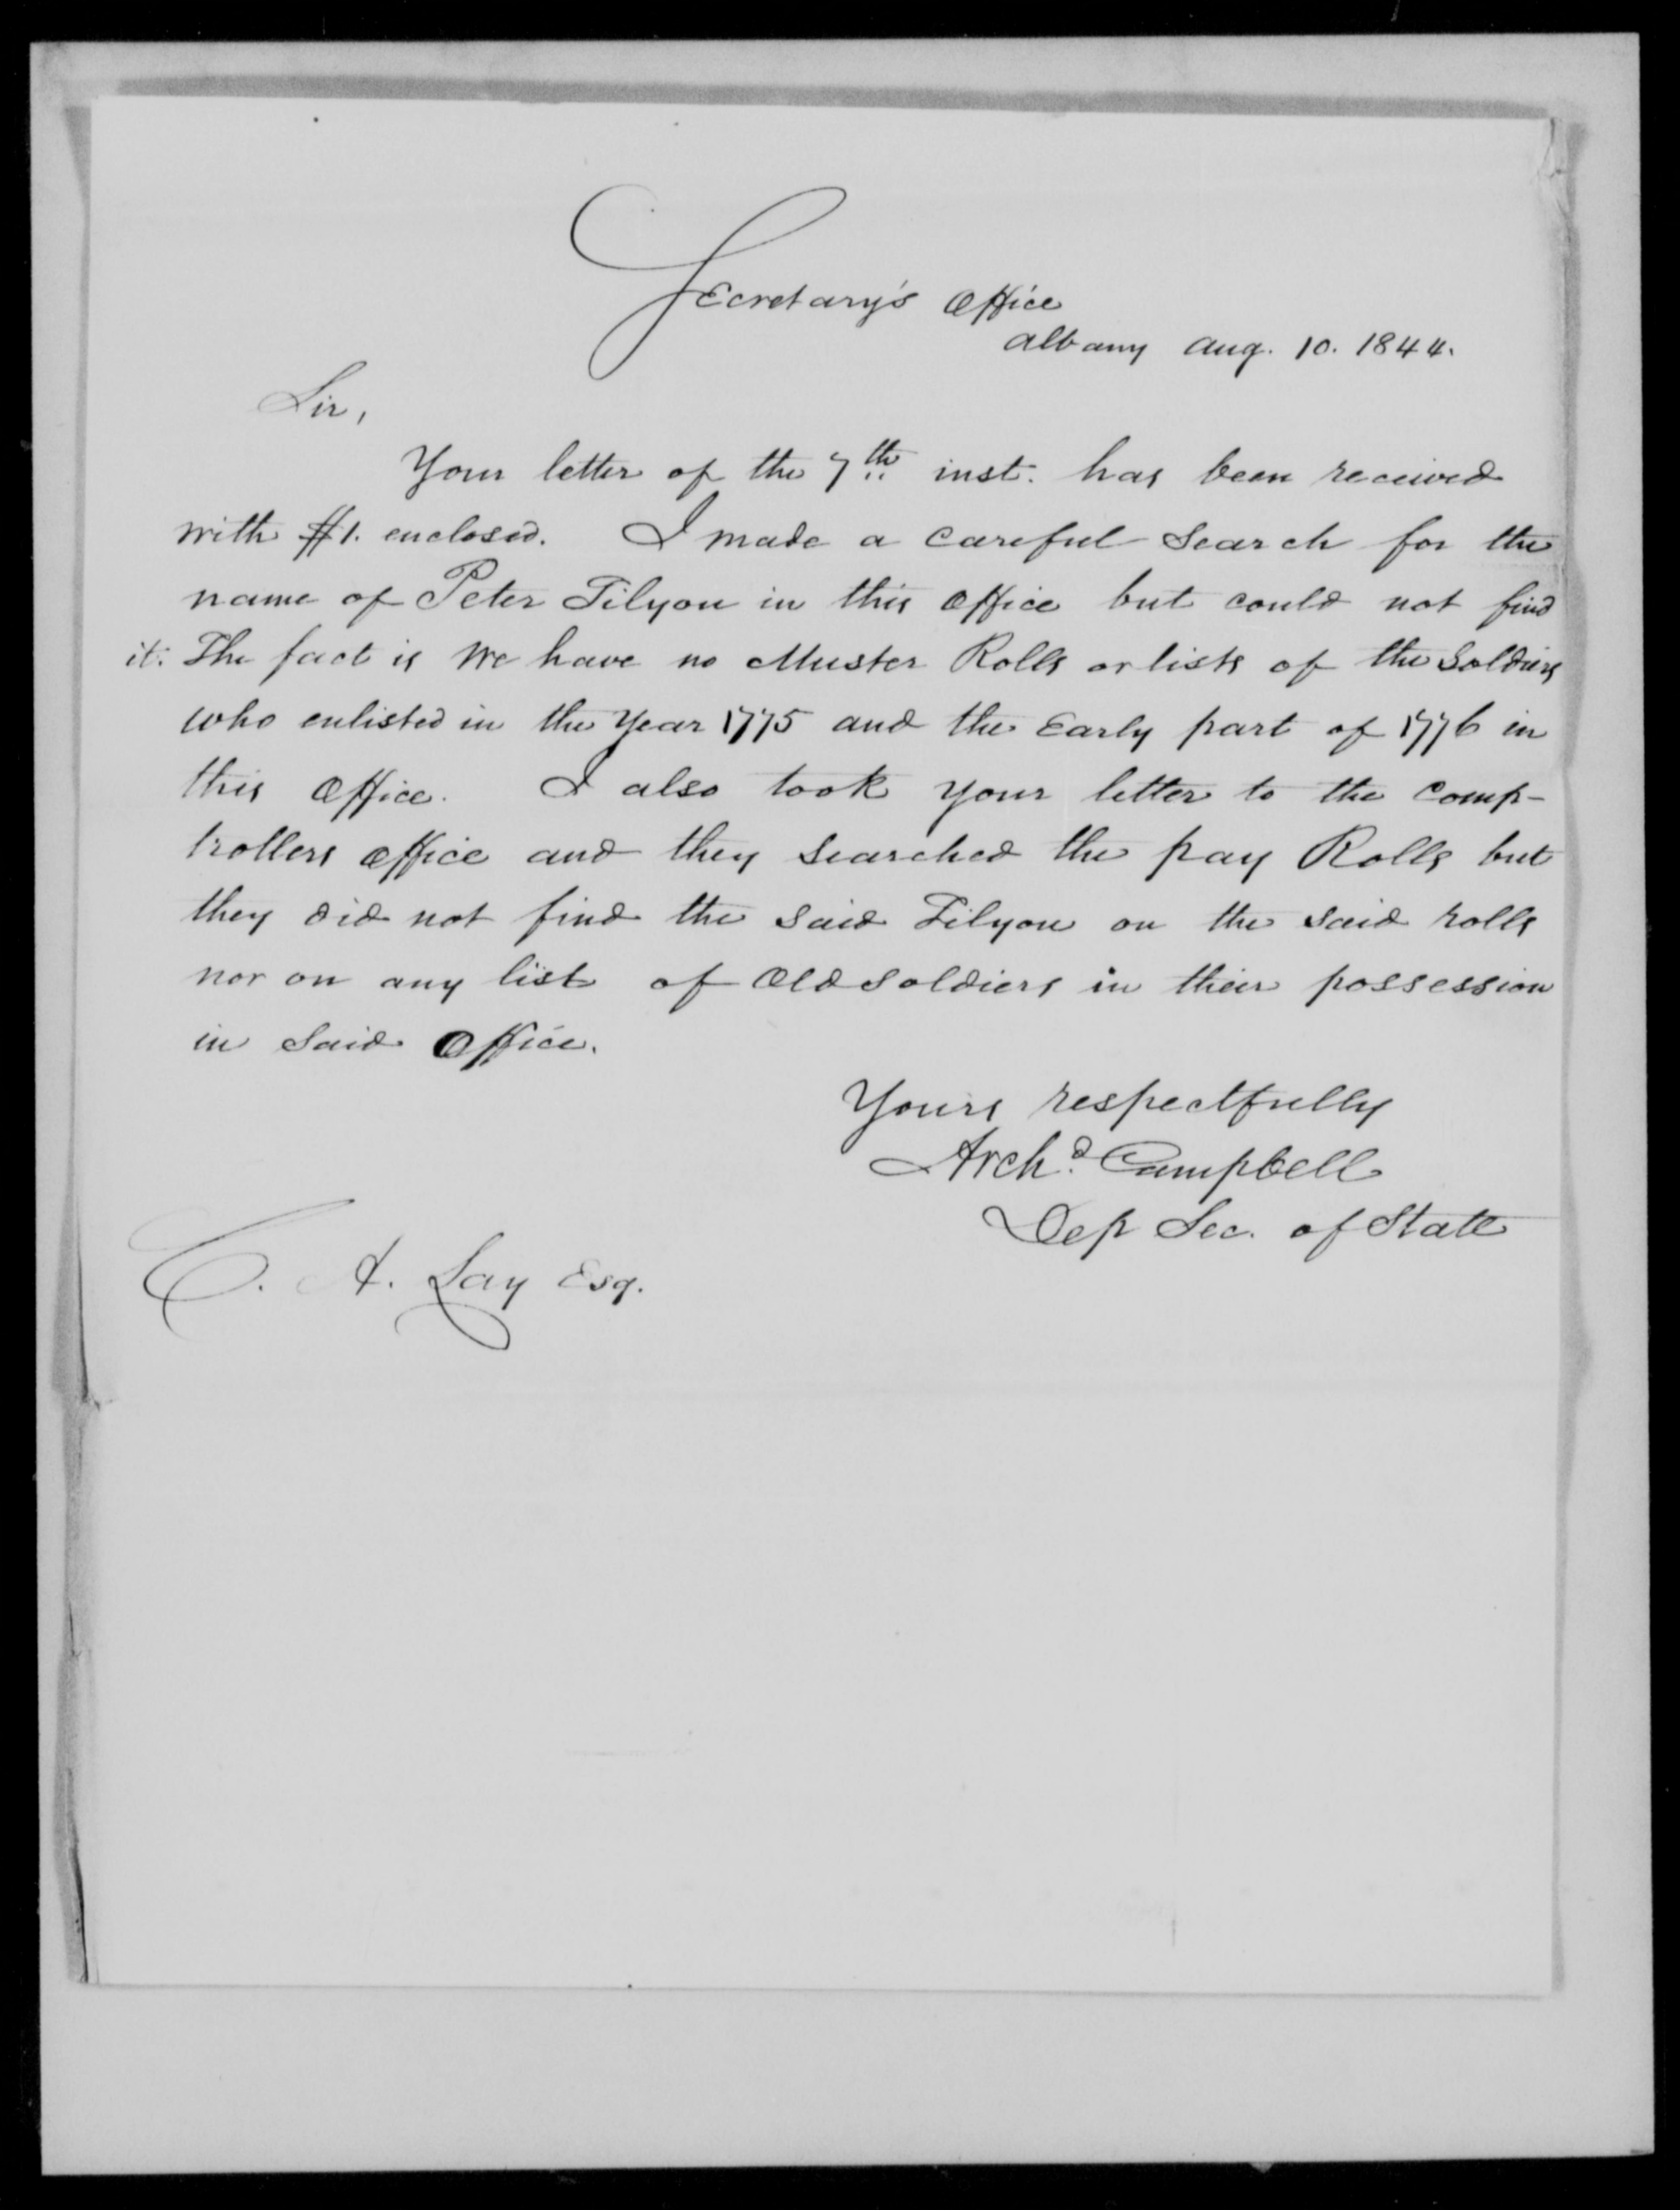Secretary's Office
Albany Aug. 10. 1844.

Sir,

Your letter of the 7th inst: has been received with $1. enclosed. I made a careful search for the name of Peter Tilyou in this office but could not find it. The fact is we have no Master Rolls or list of the Soldiers who enlisted in the year 1775 and the early part of 1776 in this office.  I also took your letter to the Comptrollers office and they searched the Pay Rolls but they did not find the said Tilyou on the said rolls nor on any list of old soldiers in their possession in said office.

Yours respectfully
Arch.d Campbell
Dep Sec of State

C A Lay Esq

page: 94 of 101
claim: widow's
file: W. 25481, for Peter V Tilyou, New Jersey